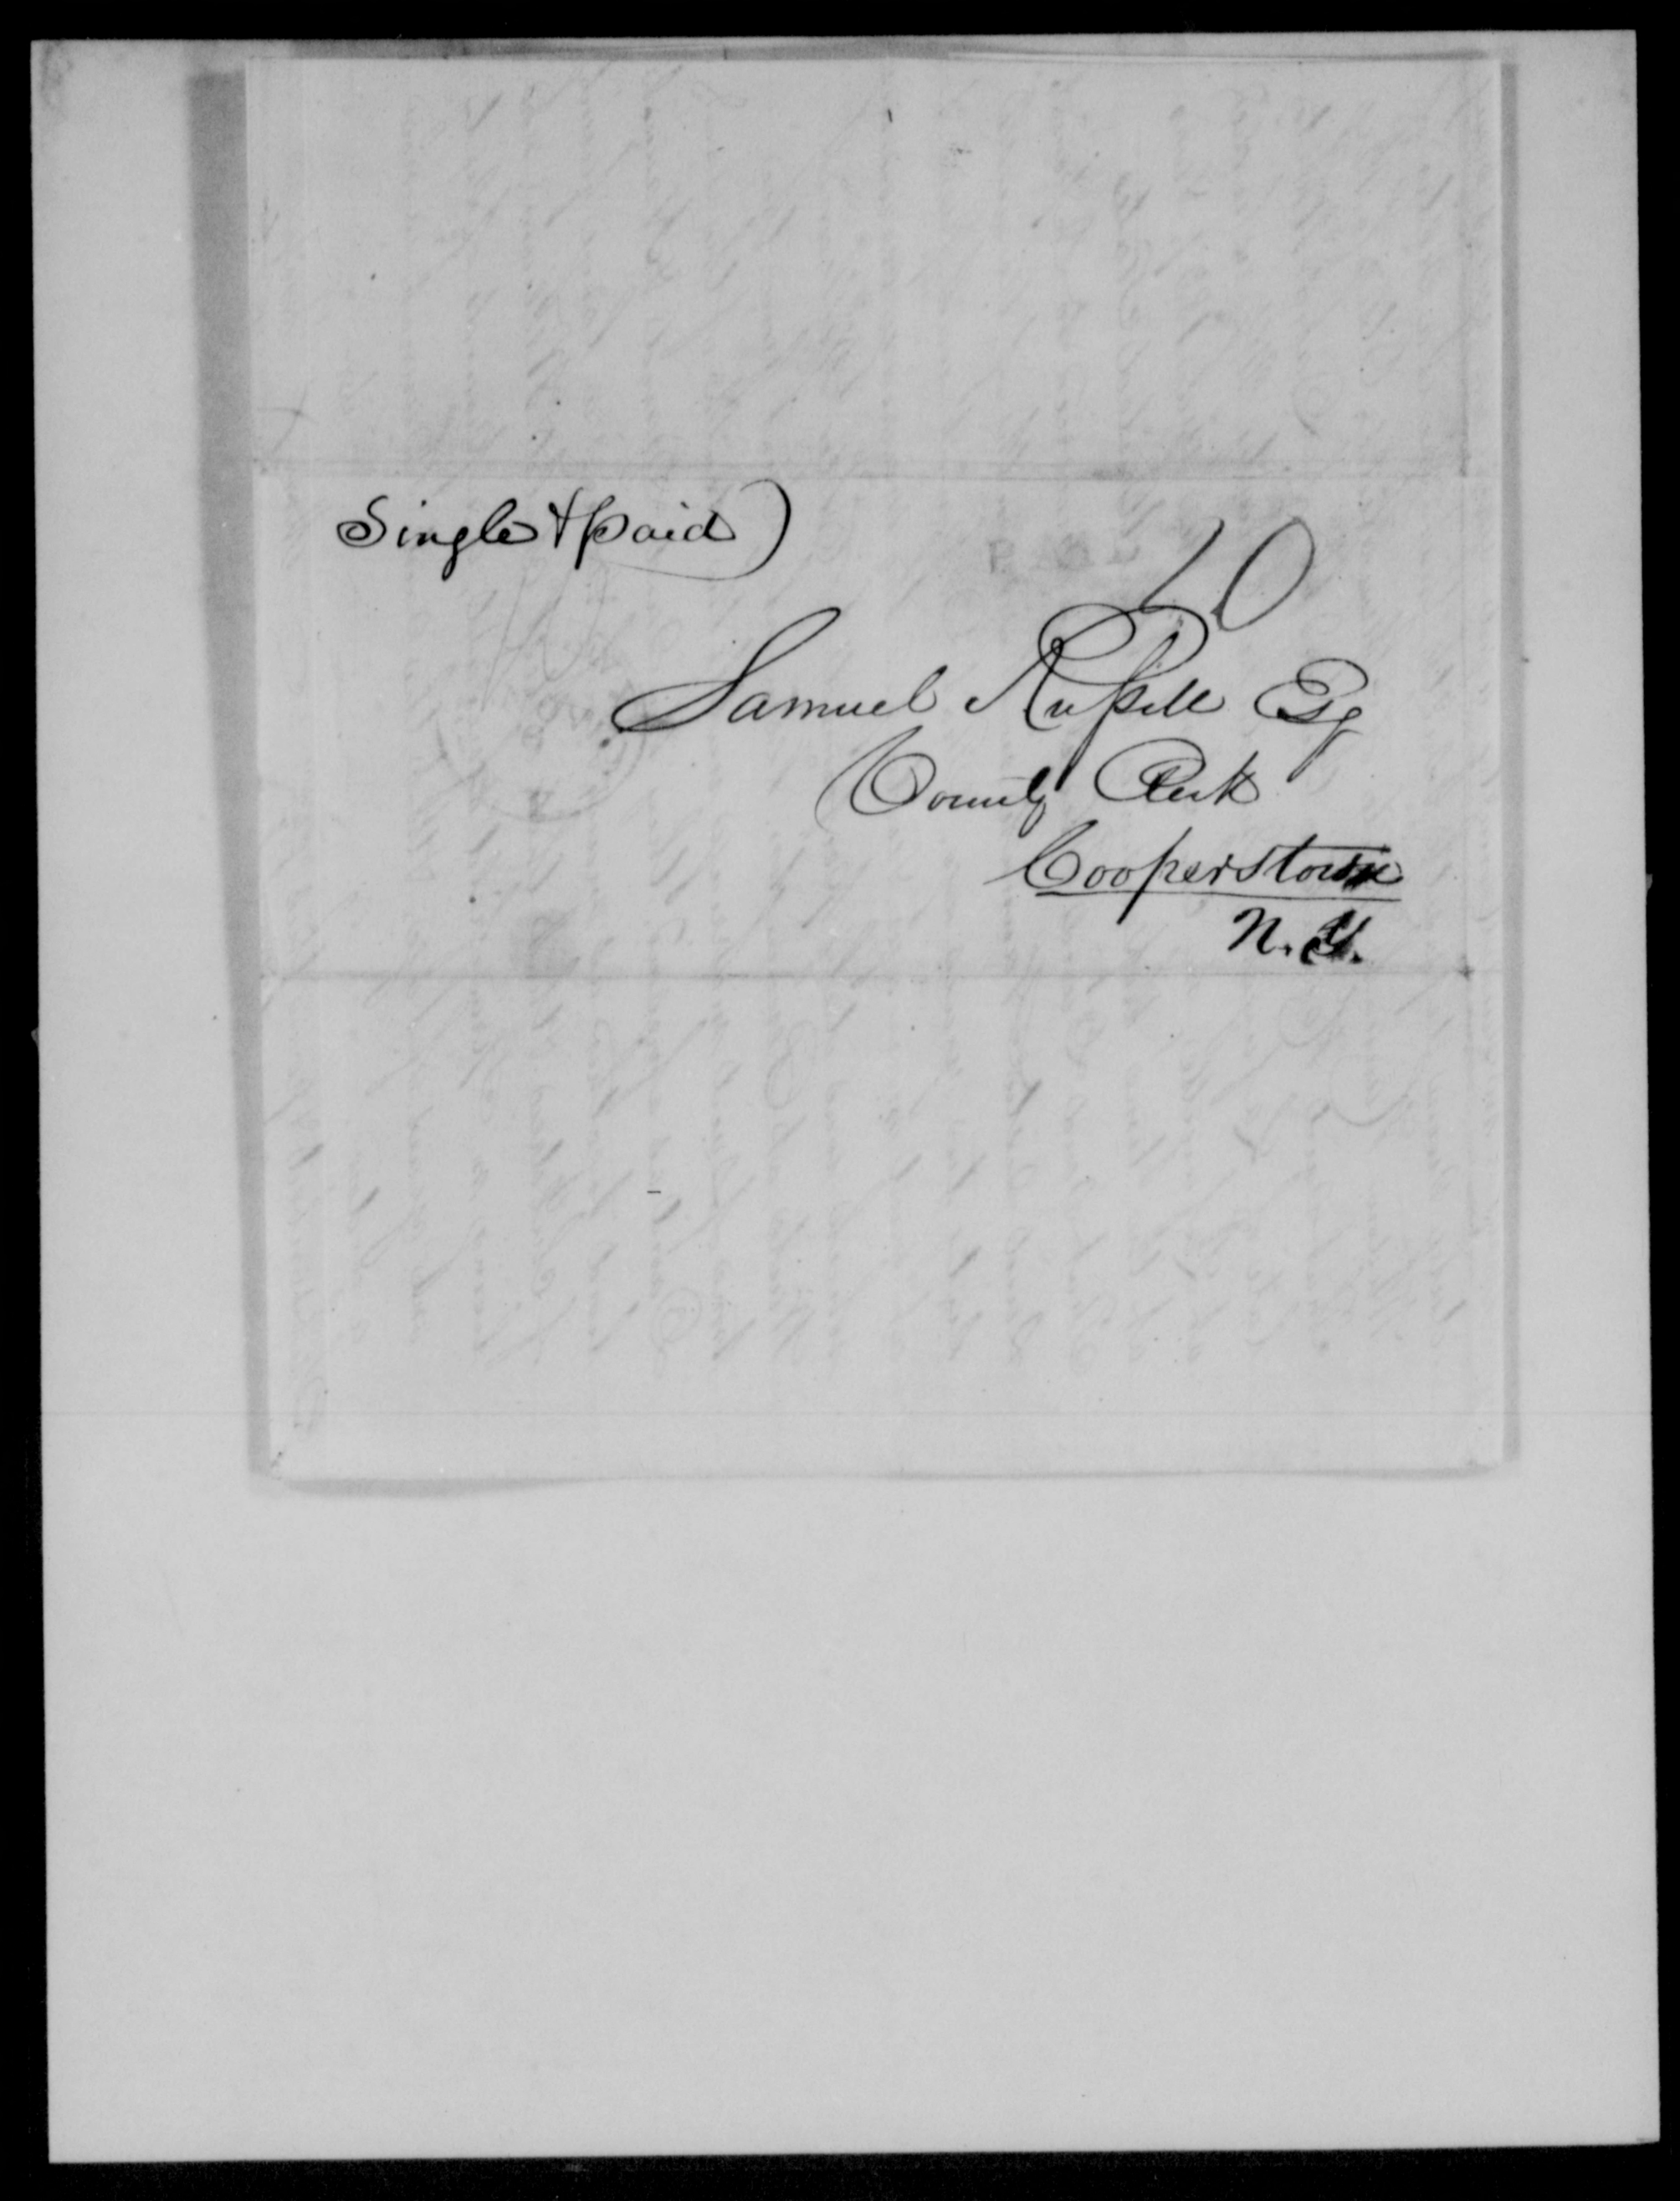Single & Paid
Samuel Russell Esq

County Clerk Cooperstown N.Y.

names: Samuel Russell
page: 27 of 63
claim: widow's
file: W. 18403, David White, Conn.